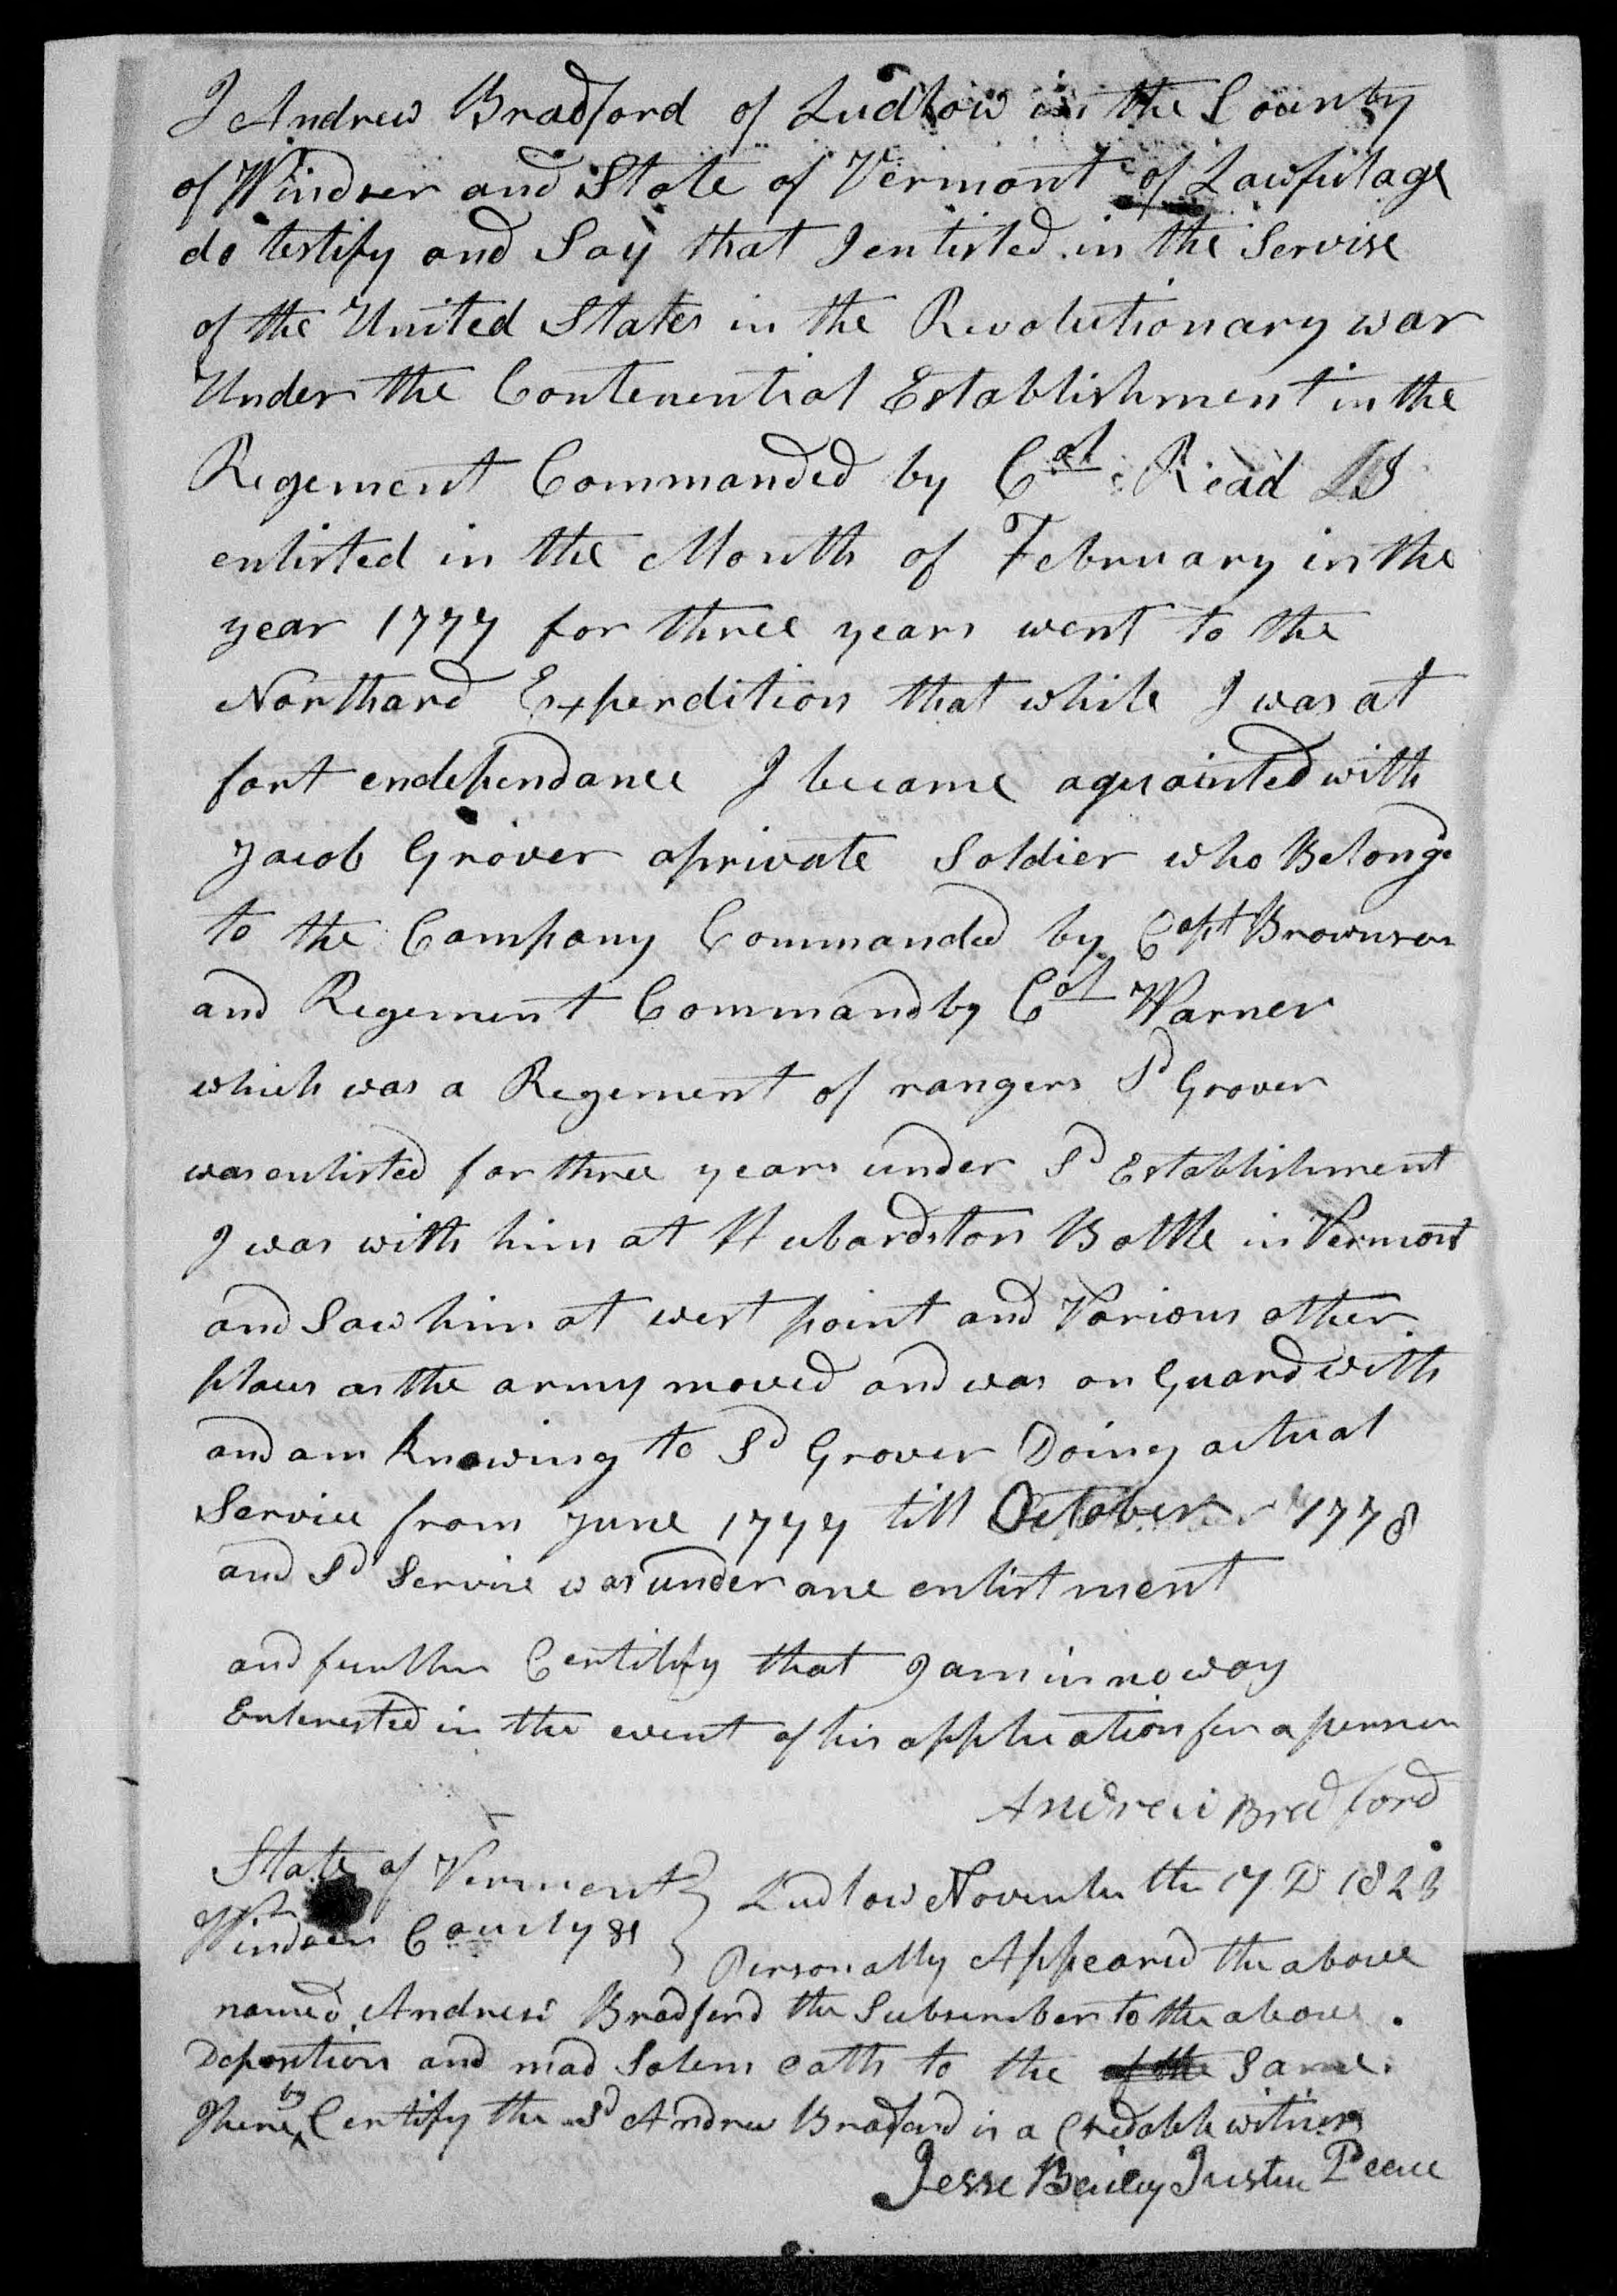I Andrew Bradfor of Ludlow in the County of Windsor and State of Vermont of lawful age do testify and say that I enlisted in the service of the United States in the Revolutionary War under the Continential Establishment in the Regiment commanded by Col Read. I enlisted in the month of February in the year 1777 for three years went to the Northan Expedition that while I was at Fort Independance I became acquainted with Jacob Grover a private Soldier who belonged to the company commanded by Capt. Brownson and Regiment commanded by Col Warner which was a Regiment of rangers Grover was enlisted for three years under establishement I was with him at Hubbarton Battle in Vermont and saw him at West Point and various other places as the army moved and was on guard with and am knowing the said Grover doing actual service from June 1777 till October 1778 and said service was under one enlistment and further certify that I am in no way interested in the event of his application for a pension Andrew Bradford

State of Vermont
Windsor County 
Ludlow November the 17 AD 1823
Personally appeared the above named Andrew Bradford the Subscriber to the above Deposition and mad solem oath to the same I hereby Certify that said Andrew Bradford is a credible wwitness Jesse Bailey Justice Peace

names: Jesse Bailey, Grover, Brownson, Andrew Bradford, Read, Andrew Bradford, Jacob Grover, Andrew Bradford, Grover, Andrew Bradford, Warner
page: 22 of 22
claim: survivor's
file: S. 38777, Jacob Grover, Continental (Vt.)